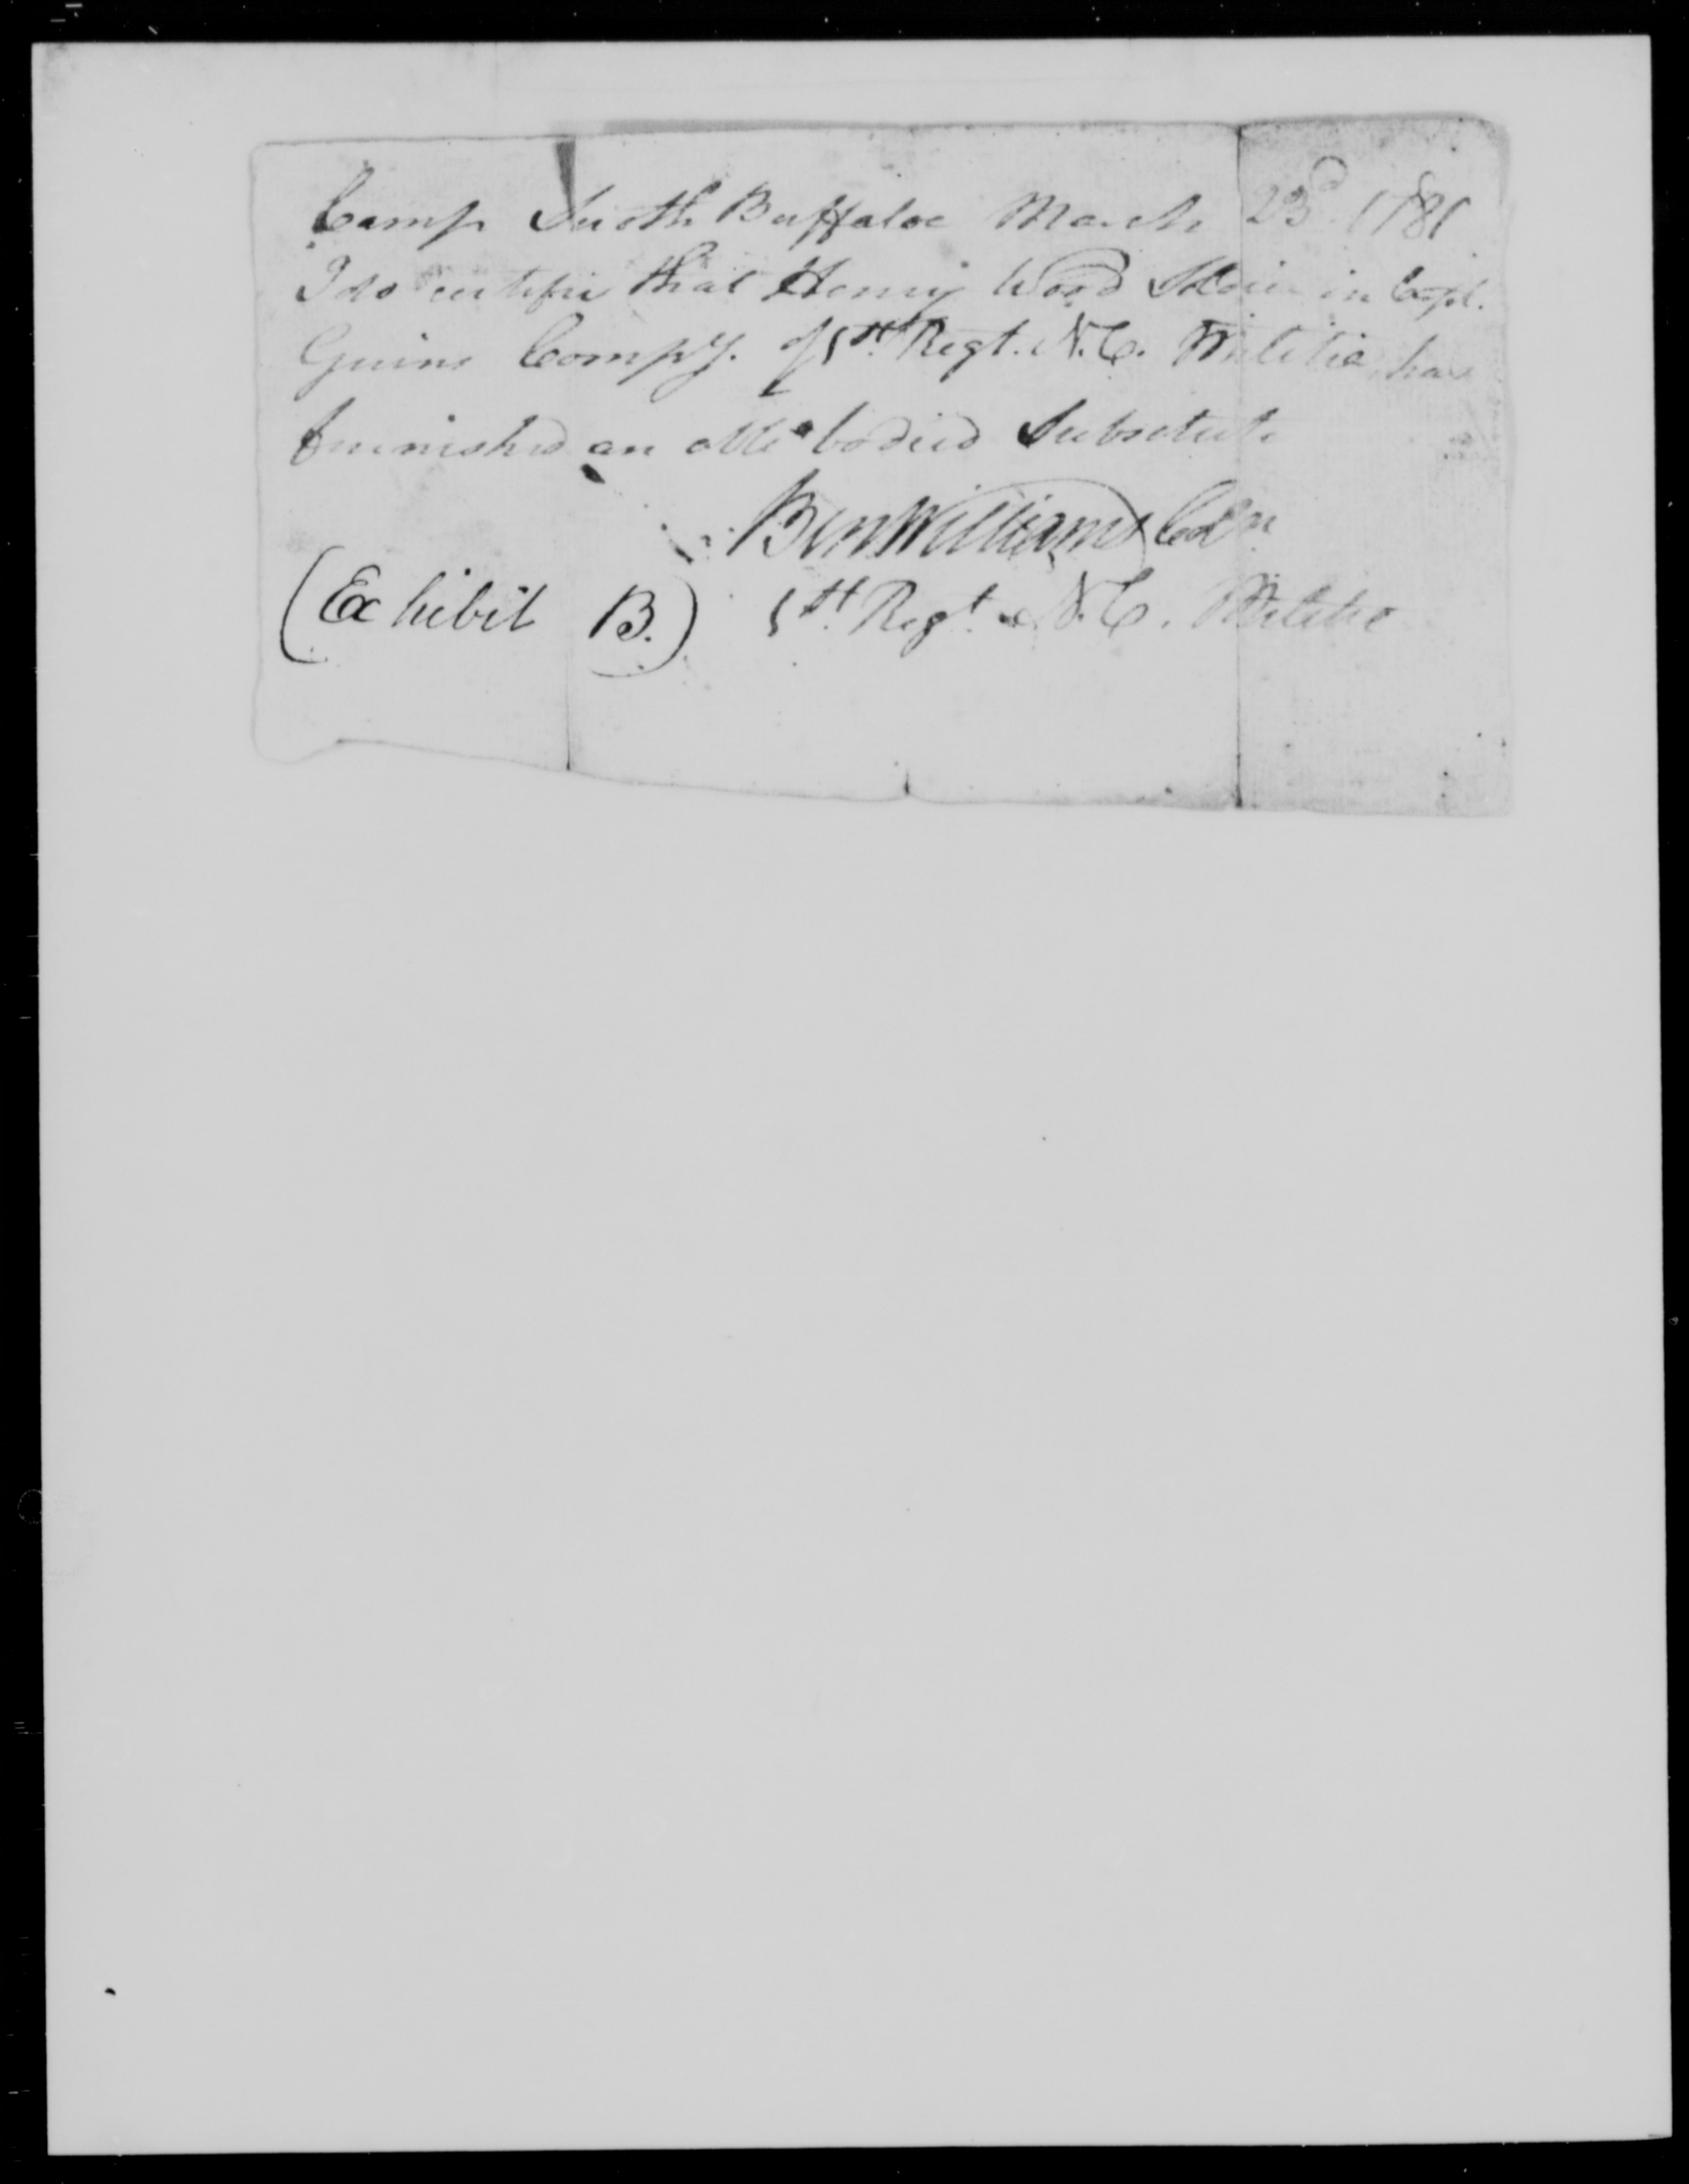Camp South [xx] March 18 1780
I so certify that Henry Wood soldier in Capt Givens Company of [xx] Regt. N.C. militia has funished an able bodied substitute. Ben Williams Col 8th Regt NC Militia
(Exhibit B)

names: Henry Wood, Ben Williams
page: 19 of 40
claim: rejected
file: R. 11785, Henry Wood, N. C.